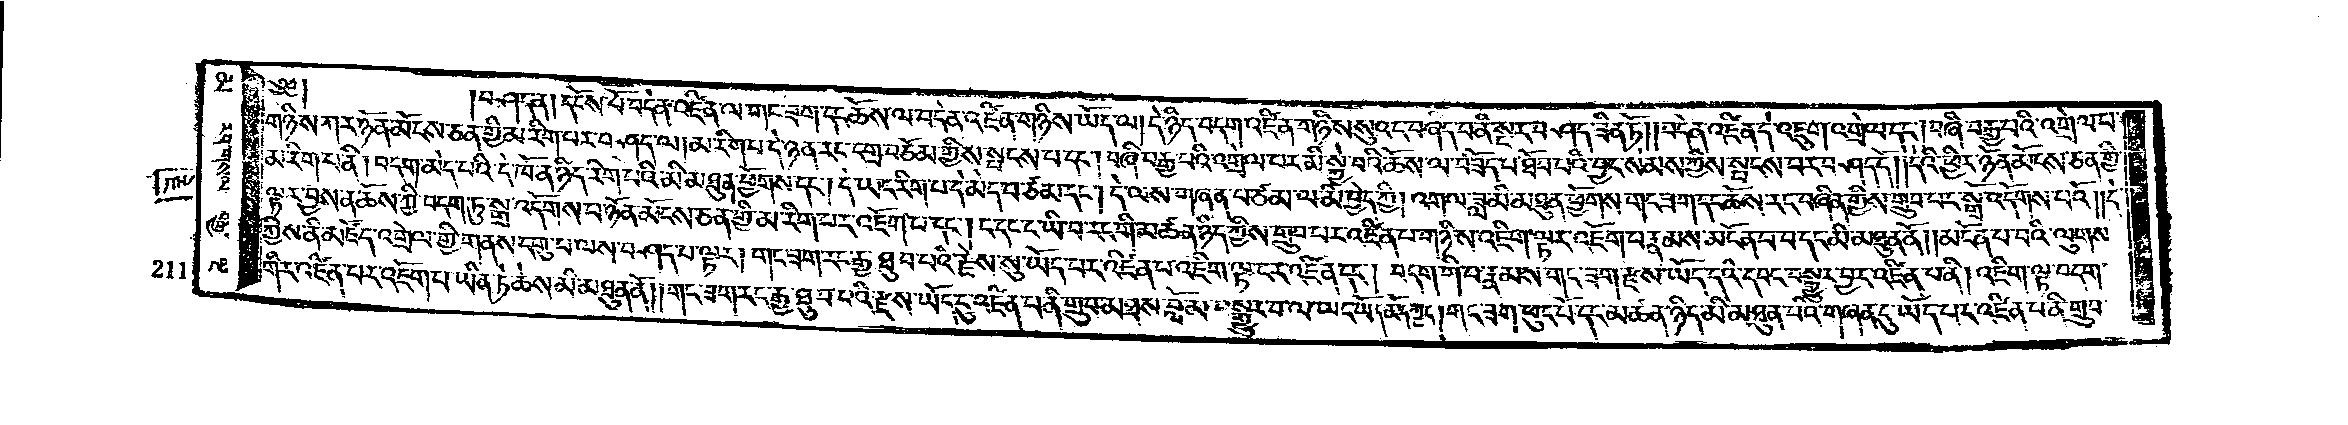༄༅། །བཤད་ན། དངོས་པོ་བདེན་འཛིན་ལ་གང་ཟག་དང་ཆོས་ལ་བདེན་འཛིན་གཉིས་ཡོད་ལ། དེ་ཉིད་བདག་འཛིན་གཉིས་སུའང་བཞེད་པ་ནི་སྔར་བཤད་ཟིན་ཏོ། །བདེན་འཛིན་དེ་འཇུག་འགྲེལ་དང་། བཞི་བརྒྱ་པའི་འགྲེལ་པ་
གཉིས་ཀར་ཉོན་མོངས་ཅན་གྱི་མ་རིག་པར་བཤད་ལ། མ་རིག་པ་དེ་ཉན་རང་དགྲ་བཅོམ་གྱིས་སྤངས་པ་དང་། བཞི་བརྒྱ་པའི་འགྲེལ་པར་མི་སྐྱེ་བའི་ཆོས་ལ་བཟོད་པ་ཐོབ་པའི་བྱང་སེམས་ཀྱིས་སྤངས་པར་བཤད་དོ། །དེའི་ཕྱིར་ཉོན་མོངས་ཅན་གྱི་
མ་རིག་པ་ནི། བདག་མེད་པའི་དེ་ཁོ་ན་ཉིད་རིག་པའི་མི་མཐུན་ཕྱོགས་དང་། དེ་ཡང་རིག་པ་དེ་མེད་པ་ཙམ་དང་། དེ་ལས་གཞན་པ་ཙམ་ལ་མི་བྱེད་ཀྱི། འགལ་ཟླ་མི་མཐུན་ཕྱོགས་གང་ཟག་དང་ཆོས་རང་བཞིན་གྱིས་གྲུབ་པར་སྒྲོ་འདོགས་པའོ། །དེ་
ལྟར་བྱས་ན་ཆོས་ཀྱི་བདག་ཏུ་སྒྲོ་འདོགས་པ་ཉོན་མོངས་ཅན་གྱི་མ་རིག་པར་འཇོག་པ་དང་། ང་དང་ང་ཡི་བ་རང་གི་མཚན་ཉིད་ཀྱིས་གྲུབ་པར་འཛིན་པ་གཉིས་འཇིག་ལྟར་འཇོག་པ་རྣམས་མངོན་པ་བ་དང་མི་མཐུན་ནོ། །མངོན་པ་བའི་ལུགས་
ཀྱིས་ནི་མཛོད་འགྲེལ་གྱི་གནས་དགུ་པ་ལས་བཤད་པ་ལྟར། གང་ཟག་རང་རྒྱ་ཐུབ་པའི་རྫས་སུ་ཡོད་པར་འཛིན་པ་འཇིག་ལྟ་ངར་འཛིན་དང་། བདག་གི་བ་རྣམས་གང་ཟག་རྫས་ཡོད་དེའི་དབང་བསྒྱུར་བྱར་འཛིན་པ་ནི། འཇིག་ལྟ་བདག་
གིར་འཛིན་པར་འཇོག་པ་ཡིན་ཏེ་ཆེས་མི་མཐུན་ནོ། །གང་ཟག་རང་རྒྱ་ཐུབ་པའི་རྫས་ཡོད་དུ་འཛིན་པ་ནི་གྲུབ་མཐས་བློ་མ་བསྒྱུར་བ་ལ་ཡང་ཡོད་མོད་ཀྱང་། གང་ཟག་ཕུང་པོ་དང་མཚན་ཉིད་མི་མཐུན་པའི་གཞན་དུ་ཡོད་པར་འཛིན་པ་ནི་གྲུབ་